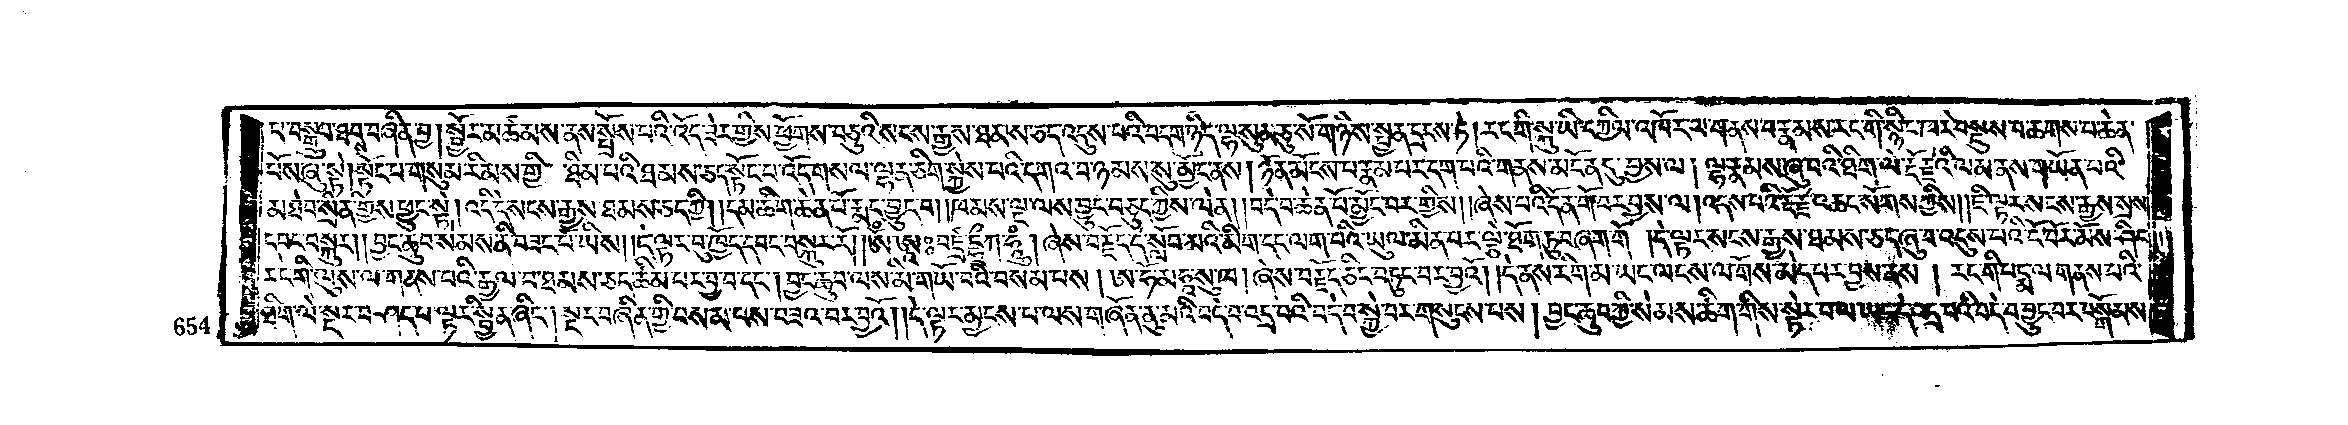པ་བསྒྲུབ་ཐབས་བཞིན་བྱ། སྦྱོར་མཚམས་ནས་སྤྲོས་པའི་འོད་ཟེར་གྱིས་ཕྱོགས་བཅུའི་སངས་རྒྱས་ཐམས་ཅད་འདུས་པའི་བདག་ཉིད་ལྷ་སུམ་ཅུ་སོ་གཉིས་སྤྱན་དྲངས་ཏེ། རང་གི་སྐུ་ཡི་དཀྱིལ་འཁོར་ལ་གནས་པ་རྣམས་རང་གི་སྙིང་ཁར་བསྡུས་པ་ཆགས་པ་ཆེན་
པོས་ཞུ་སྟེ། སྟོང་པ་གསུམ་རིམས་གྱི་ཐིམ་པའི་ཐམས་ཅད་སྟོང་པ་འོད་གསལ་ལྷན་ཅིག་སྐྱེས་པའི་དགའ་བ་ཉམས་སུ་མྱོང་ནས། ཉོན་མོངས་པ་རྣམ་པར་དག་པའི་གནས་མངོན་དུ་བྱས་ལ། ལྷ་རྣམས་ཞུ་བའི་ཐིག་ལེ་རྡོ་རྗེའི་ལམ་ནས་གཡོན་པའི་
མཐེབ་སྲིན་གྱིས་ཕྱུང་སྟེ། འདི་དེ་སངས་རྒྱས་ཐམས་ཅད་ཀྱི། །དམ་ཚིག་ཆེན་པོ་རྨད་བྱུང་བ། །ཁམས་ལྔ་ལས་བྱུང་བཅུད་ཀྱིས་ལེན། །བདེ་བ་ཆེན་པོ་མྱོང་བར་གྱིས། །ཞེས་པའི་དོན་གོ་བར་བྱས་ལ། འདས་པའི་རྡོ་རྗེ་འཆང་སོགས་ཀྱིས། །ཇི་ལྟར་སངས་རྒྱས་སྲས་
དབང་བསྐུར། །བྱང་ཆུབ་སེམས་ནི་བཟང་པོ་ཡིས། །དེ་ལྟར་བུ་ཁྱོད་དབང་བསྐུར་རོ། །ཨོཾ་ཨཱཿ བཛྲ་དྷྲྀ་ཀ་ཧཱུཾ། ཞེས་བརྗོད་དེ་སློབ་མའི་མིག་དང་ལག་པའི་ཡུལ་མིན་པར་ལྕེ་ཐོག་ཏུ་བཞག་གོ །དེ་ལྟར་སངས་རྒྱས་ཐམས་ཅད་ཞུ་བ་འདུས་པའི་ངོ་བོར་མོས་ཤིང་
རང་གི་ལུས་ལ་གནས་པའི་རྒྱལ་བ་ཐམས་ཅད་ཚིམ་པར་བྱ་བ་དང་། བྱང་ཆུབ་ལས་མི་གཡོ་བའི་བསམ་པས། ཨ་ཧོ་མཧཱ་སུ་ཁ། ཞེས་བརྗོད་ཅིང་བཏུང་བར་བྱའོ། །དེ་ནས་རིག་མ་ཡང་ལངས་ལ་གོས་མེད་པར་བྱས་ནས། རང་གི་པདམ་ལ་གནས་པའི་
ཐིག་ལེ་སྔར་བཤད་པ་ལྟར་སྦྱིན་ཞིང་། སྔར་བཞིན་གྱི་བསམ་པས་བཟའ་བར་བྱའོ། །དེ་ལྟར་མྱངས་པ་ལས་གཞོན་ནུ་མའི་བདེ་བ་འདྲ་བའི་བདེ་བ་སྐྱེ་བར་གསུངས་པས། བྱང་ཆུབ་ཀྱི་སེམས་ཚིག་གིས་སྟེར་བ་ལ་ཡང་དེ་འདྲ་བའི་བདེ་བ་བྱུང་བར་བསྒོམས་